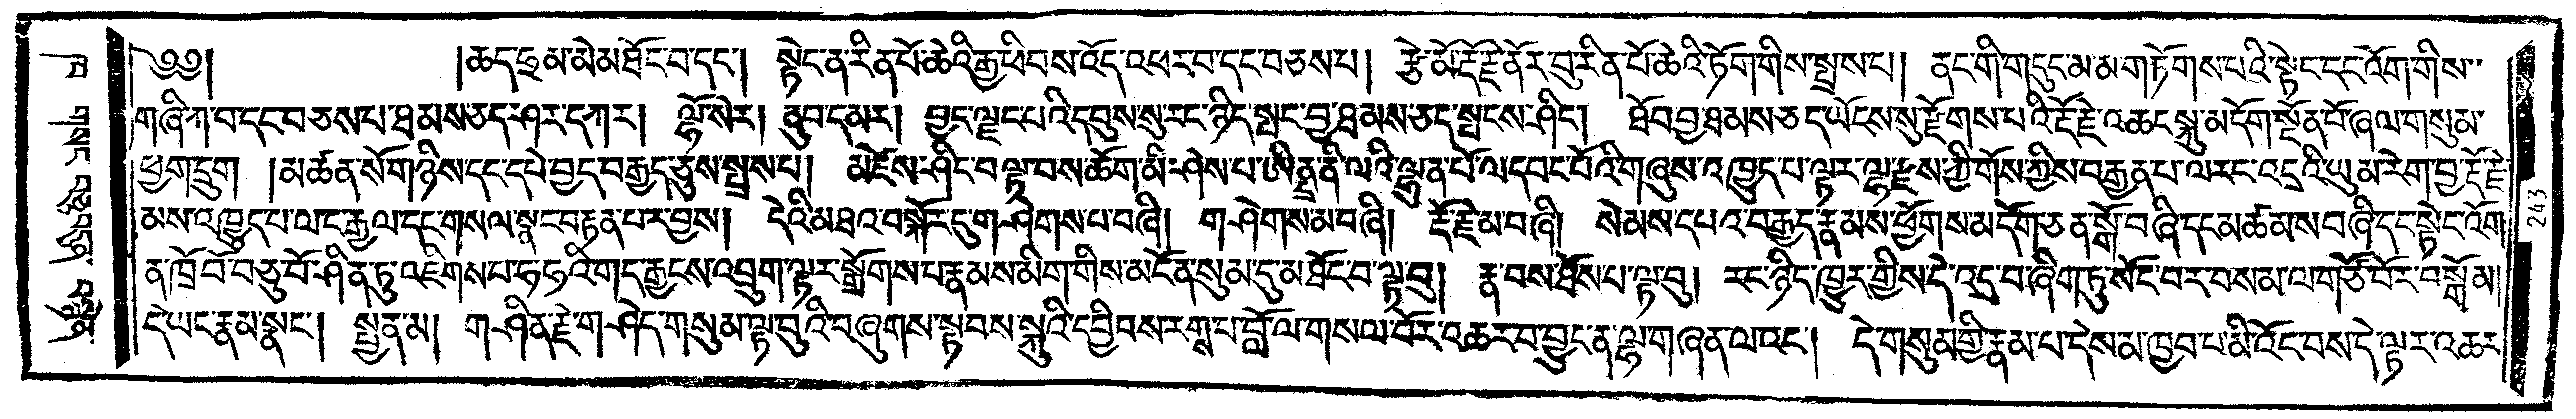༄༅། །ཆད་ཧྲམ་མེ་མཐོང་བ་དང་། སྟེང་ན་རིན་པོ་ཆེའི་རྒྱ་ཕིབས་འོད་འཕར་བ་དང་བཅས་པ། རྩེ་མོ་རྡོ་རྗེ་ནོར་བུ་རིན་པོ་ཆེའི་ཏོག་གིས་སྤྲས་པ། ནང་གི་གདུང་མ་མ་གཏོགས་པའི་སྟེང་དང་འོག་གིས་
གཞི་ཀ་བ་དང་བཅས་པ་ཐམས་ཅད་ཤར་དཀར། ལྷོ་སེར། ནུབ་དམར། བྱང་ལྗང་པའི་དབུས་སུ་རང་ཉིད་སྤང་བྱ་ཐམས་ཅད་སྤངས་ཤིང་། ཐོབ་བྱ་ཐམས་ཅད་ཡོངས་སུ་རྫོགས་པའི་རྡོ་རྗེ་འཆང་སྐུ་མདོག་སྔོན་པོ་ཞལ་གསུམ་
ཕྱག་དྲུག །མཚན་སོ་གཉིས་དང་དཔེ་བྱད་བརྒྱད་ཅུས་སྤྲས་པ། མཛེས་ཤིང་བལྟ་བས་ཆོག་མི་ཤེས་པ་ཨིནྡྲ་ནི་ལའི་ལྷུན་པོ་ལ་དབང་པོའི་གཞུས་འཁྱུད་པ་ལྟར་ལྷ་རྫས་ཀྱི་གོས་ཀྱིས་བརྒྱན་པ་ལ་རང་འདྲའི་ཡུམ་རེག་བྱ་རྡོ་རྗེ་
མས་འཁྱུད་པ་ལ་ང་རྒྱལ་དང་གསལ་སྣང་བརྟན་པར་བྱས། དེའི་མཐའ་བསྐོར་དུ་གཤེགས་པ་བཞི། གཤེགས་མ་བཞི། རྡོ་རྗེ་མ་བཞི། སེམས་དཔའ་བརྒྱད་རྣམས་ཕྱོགས་མདོག་ཅན་སྒོ་བཞི་དང་མཚམས་བཞི་དང་སྟེང་འོག་
ན་ཁྲོ་བོ་བཅུ་བོ་ཤིན་ཏུ་འཇིགས་པ་ཧ་ཧའི་གད་རྒྱངས་འབྲུག་ལྟར་སྒྲོགས་པ་རྣམས་མིག་གིས་མངོན་སུམ་དུ་མཐོང་བ་ལྟ་བུ། རྣ་བས་ཐོས་པ་ལྟ་བུ། རང་ཉིད་ཁྱུར་གྱིས་དེ་འདྲ་བ་ཞིག་ཏུ་སོང་བར་བསམ་ལ་གཙོ་བོར་བསྒོམ།
དེ་ཡང་རྣམ་སྣང་། སྤྱན་མ། གཤིན་རྗེ་གཤེད་གསུམ་ལྟ་བུའི་བཞུགས་སྟབས་སྐུའི་དབྱིབས་རགས་པ་བློ་ལ་གསལ་བོར་འཆར་བ་བྱུང་ན་ལྷ་གཞན་ལའང་། དེ་གསུམ་གྱི་རྣམ་པ་དེས་མ་ཁྱབ་པ་མི་འོང་བས་དེ་ལྟར་འཆར་